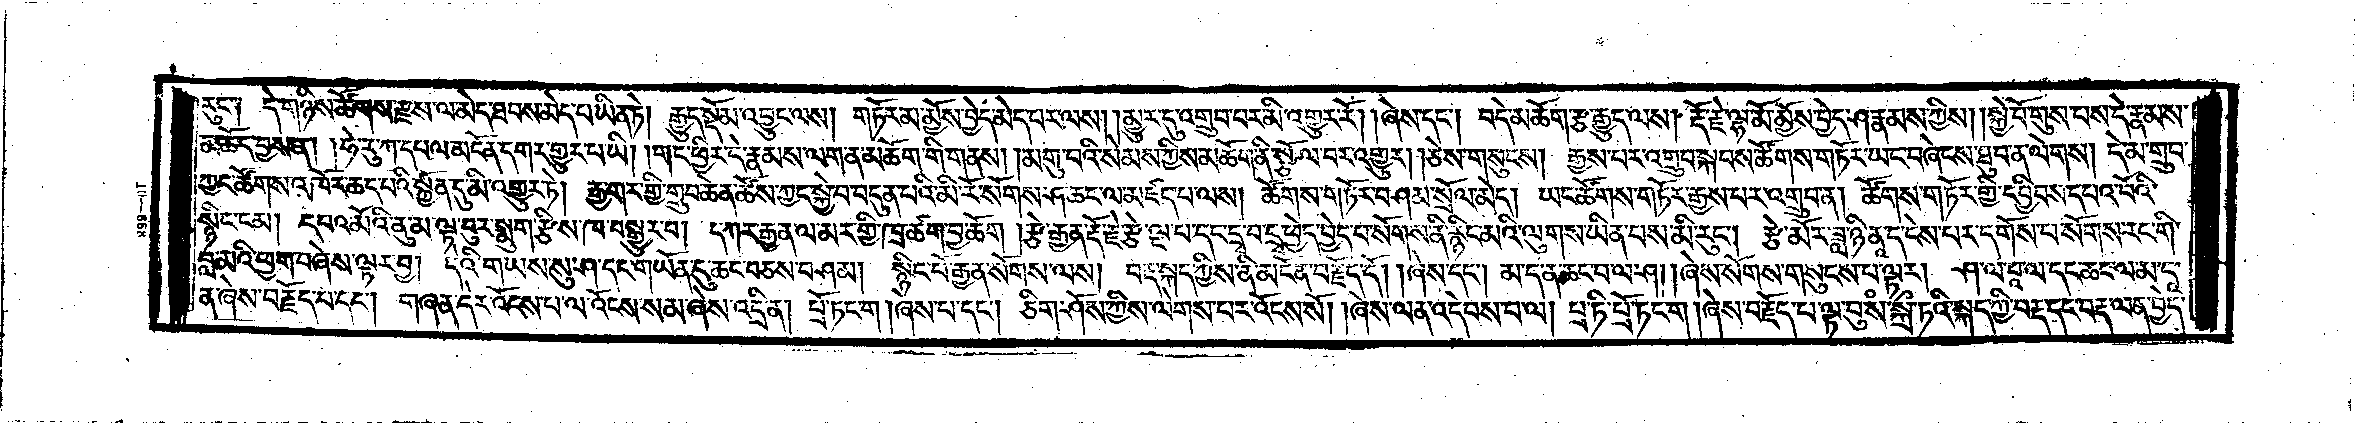རུང༑ དེ་གཉིས་ཚོགས་རྫས་ལ་མེད་ཐབས་མེད་པ་ཡིན་ཏེ། རྒྱུད་སྡོམ་འབྱུང་ལས། གཏོར་མ་མྱོས་བྱེད་མེད་པར་ལས། །མྱུར་དུ་འགྲུབ་པར་མི་འགྱུར་རོ། །ཞེས་དང་། བདེ་མཆོག་རྩ་རྒྱུད་ལས། རྡོ་རྗེ་ལྷ་མོ་མྱོས་བྱེད་ཤ་རྣམས་ཀྱིས། །སྐྱེ་བོ་གུས་པས་དེ་རྣམས་
མཆོད་བྱས་ན། །ཧེ་རུ་ཀ་དབབ་མངོན་དགར་གྱུར་བ་ཡི། །གང་ཕྱིར་དེ་རྣམས་ལག་ན་མཆོག་གི་གནས། །མ་གུ་བའི་སེམས་ཀྱིས་མཆོག་ནི་སྩོལ་བར་འགྱུར། །ཅེས་གསུངས། རྒྱས་པར་འགྲུབ་སྐབས་ཚོགས་གཏོར་ཡང་བཞེངས་ཐུབ་ན་ལེགས། དེ་མ་གྲུབ་
ཀྱང་ཚོགས་འཁོར་ཆད་བའི་སྐྱོན་དུ་མི་འགྱུར་ཏེ། རྒྱ་གར་གྱི་གྲུབ་ཆེན་ཚོས་ཀྱང་སྐྱེ་བ་བདུན་པའི་མི་རོ་སོགས་ཤ་ཆང་ལ་མཛད་པ་ལས། ཚོགས་གཏོར་བཤམ་སྲོལ་མེད། ཡང་ཚོགས་གཏོར་རྒྱས་པར་འགྲུབ་ན། ཚོགས་གཏོར་གྱི་དབྱིབས་དཔའ་བོའི་
སྙིང་ངམ། དཔའ་མོའི་ནུ་མ་ལྟ་བུར་སྨུག་རྩིས་ཁ་བསྒྱུར་བ། དཀར་རྒྱན་ལ་མར་གྱི་ཁྲ་ཚག་བྱ་ཆོག །རྩེ་རྒྱན་རྡོ་རྗེ་རྩེ་ལྔ་པ་དང་དྲྭ་བ་དྲྭ་ཕྱེད་བྱེད་པ་སོགས་ནི་རྙིང་མའི་ལུགས་ཡིན་པས་མི་རུང་། རྩེ་མོར་ཟླ་ཉི་ནཱ་ད་ངེས་པར་དགོས་པ་སོགས་རང་གི་
བླ་མའི་ཕྱག་བཞེས་ལྟར་བྱ། དེའི་གཡས་སུ་ཤ་དང་གཡོན་དུ་ཆད་བཅས་བཤམ། སྙིང་པོ་རྒྱན་སོགས་ལས། བརྡ་སྐད་ཀྱིས་ནི་མངོན་བརྗོད་དོ། །ཞེས་དང་། མ་ད་ན་ཆང་བ་ལ་ཤ། །ཞེས་སོགས་གསུངས་པ་ལྟར། ཤ་ལ་བཱ་ལ་དང་ཆང་ལ་མ་ངཱ་
ན་ཞེས་བརྗོད་པ་དང་། གཞན་དེར་འོངས་པ་ལ་འོངས་སམ་ཞེས་འདྲི་ན། བྲོ་ཏང་ག །ཞེས་པ་དང་། ཅིག་ཤོས་ཀྱིས་ལེགས་པར་འོངས་སོ། །ཞེས་ལན་འདེབས་པ་ལ། པྲ་ཏི་པྲོ་ཏང་ག །ཞེས་བརྗོད་པ་ལྟ་བུ་སཾ་སྒྲྀ་ཏའི་སྐད་ཀྱི་བརྡ་དང་བརྡ་ལན་བྱེད་